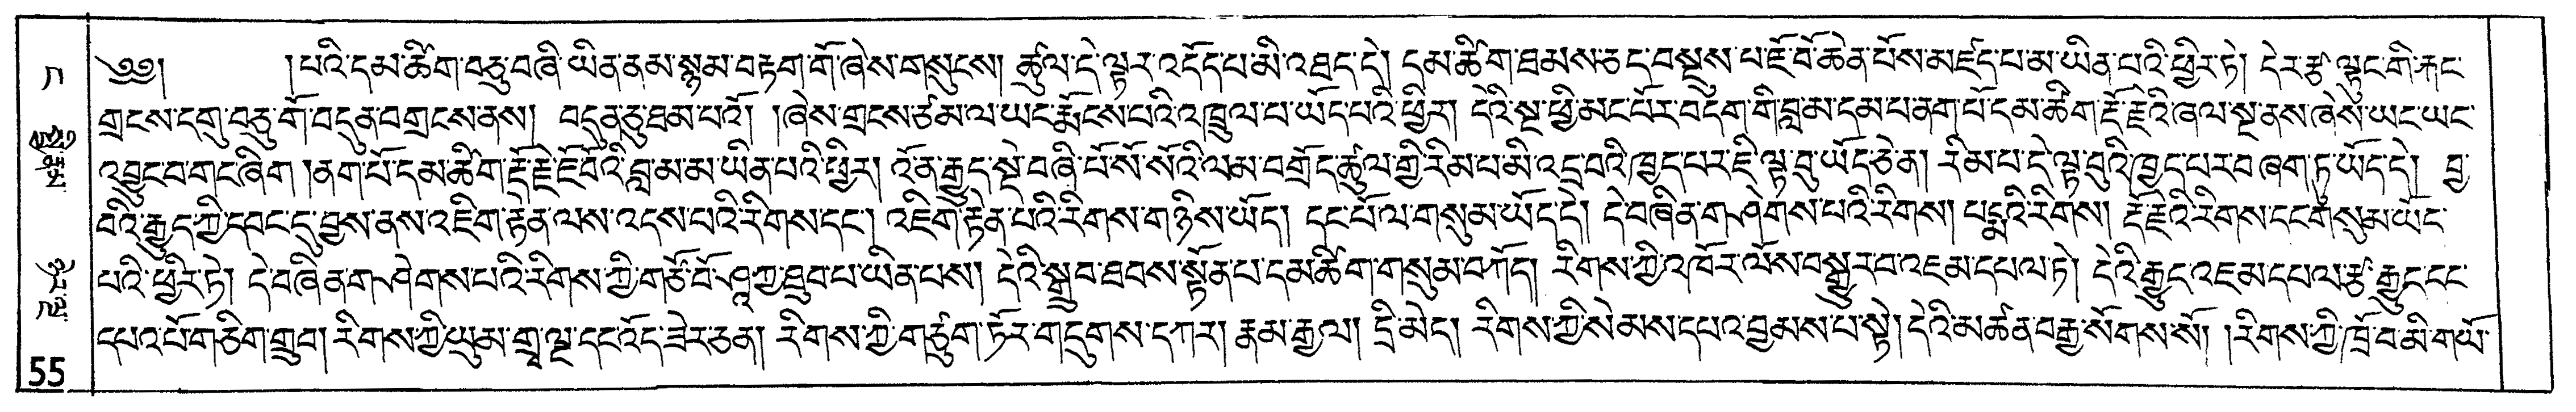༄༅། །པའི་དམ་ཚིག་བཅུ་བཞི་ཡིན་ནམ་སྙམ་བརྟག་གོ་ཞེས་གསུངས། ཚུལ་དེ་ལྟར་འདོད་པ་མི་འཐད་དེ། དམ་ཚིག་ཐམས་ཅད་བསྡུས་པ་ཇོ་བོ་ཆེན་པོས་མཛད་པ་མ་ཡིན་པའི་ཕྱིར་ཏེ། དེར་རྩ་ལྟུང་གི་རྐང་
གྲངས་དགུ་བཅུ་གོ་བདུན་བགྲངས་ནས། བདུན་ཅུ་ཐམ་པའོ། །ཞེས་གྲངས་ཙམ་ལ་ཡང་རྨོངས་པའི་འཁྲུལ་པ་ཡོད་པའི་ཕྱིར། དེའི་སྔ་ཕྱི་མང་པོར་བདག་གི་བླ་མ་དམ་པ་ནག་པོ་དམ་ཚིག་རྡོ་རྗེའི་ཞལ་སྔ་ནས་ཞེས་ཡང་ཡང་
འབྱུང་བ་གང་ཞིག །ནག་པོ་དམ་ཚིག་རྡོ་རྗེ་ཇོ་བོའི་བླ་མ་མ་ཡིན་པའི་ཕྱིར། འོ་ན་རྒྱུད་སྡེ་བཞི་པོ་སོ་སོའི་ལམ་བགྲོད་ཚུལ་གྱི་རིམ་པ་མི་འདྲ་བའི་ཁྱད་པར་ཇི་ལྟ་བུ་ཡོད་ཅེ་ན། རིམ་པ་དེ་ལྟ་བུའི་ཁྱད་པར་བཞག་ཏུ་ཡོད་དེ། བྱ་
བའི་རྒྱུད་ཀྱི་དབང་དུ་བྱས་ནས་འཇིག་རྟེན་ལས་འདས་པའི་རིགས་དང་། འཇིག་རྟེན་པའི་རིགས་གཉིས་ཡོད། དང་པོ་ལ་གསུམ་ཡོད་དེ། དེ་བཞིན་གཤེགས་པའི་རིགས། པདམའི་རིགས། རྡོ་རྗེའི་རིགས་དང་གསུམ་ཡོད་
པའི་ཕྱིར་ཏེ། དེ་བཞིན་གཤེགས་པའི་རིགས་ཀྱི་གཙོ་བོ་ཤཱཀྱ་ཐུབ་པ་ཡིན་པས། དེའི་སྒྲུབ་ཐབས་སྟོན་པ་དམ་ཚིག་གསུམ་བཀོད། རིགས་ཀྱི་འཁོར་ལོས་བསྒྱུར་བ་འཇམ་དཔལ་ཏེ། དེའི་རྒྱུད་འཇམ་དཔལ་རྩ་རྒྱུད་དང་
དཔའ་པོ་གཅིག་གྲུབ། རིགས་ཀྱི་ཡུམ་གྲྭ་ལྔ་དང་འོད་ཟེར་ཅན། རིགས་ཀྱི་གཙུག་ཏོར་གདུགས་དཀར། རྣམ་རྒྱལ། དྲི་མེད། རིགས་ཀྱི་སེམས་དཔའ་བྱམས་པ་སྟེ། དེའི་མཚན་བརྒྱ་སོགས་སོ། །རིགས་ཀྱི་ཁྲོ་བ་མི་གཡོ་